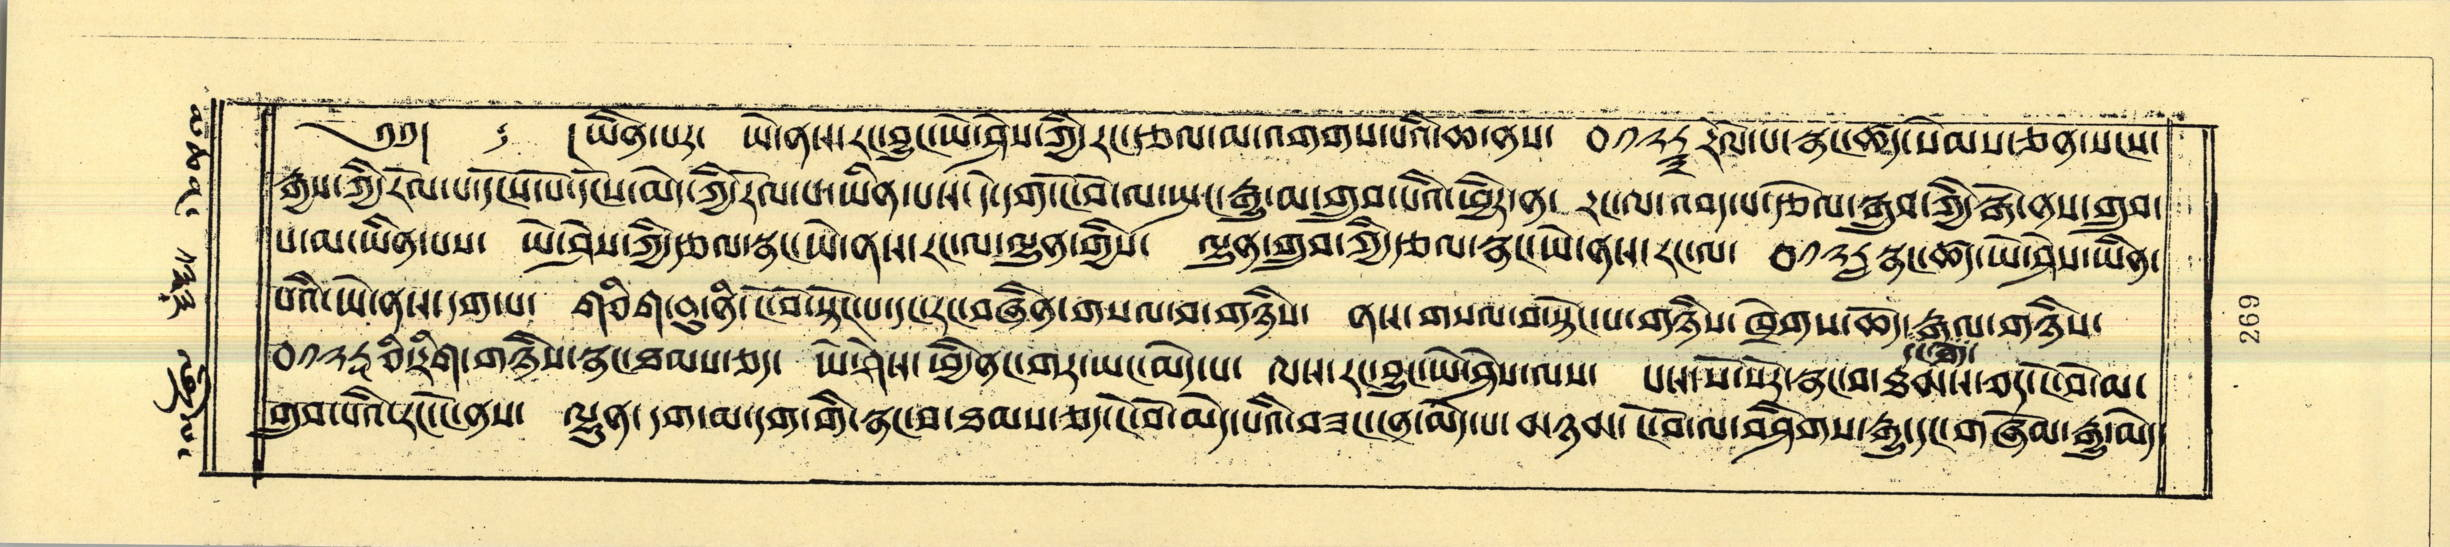ཡིན་པར། ༼ཡེ་ནས་༽རང་བྱུང་ཡེ་ཤེས་ཀྱི་རང་རྩལ་མ་འགགས་པའི་ཆ་ནས། བ༡༢༨།༣ ༼རོལ་པ་༽སྣང་ཚད་སེམས་ཅན་སངས་
རྒྱས་ཀྱི་རོལ་པ་དངོས་པོ་དངོས་མེད་ཀྱི་རོལ་པ་ཡིན་ ༼པས་༽དེ་དག་ངོ་བོ་ལ་སྤང་རྒྱུ་མ་གྲུབ་པའི་ཕྱིར་ན། ༼རང་ལ་༽འབད་པ་རྩོལ་སྒྲུབ་ཀྱི་སྒོ་ནས་གྲུབ་
པ་མ་ཡིན་པས། ཡེ་ཤེས་ཀྱི་རྩལ་སྣང་ ༼ཡེ་ནས་༽རང་ལ་ལྷུན་གྱིས། ལྷུན་གྲུབ་ཀྱི་རྩལ་སྣང་ ༼ཡེ་ནས་༽རང་ལ་བ༡༢༨།༤ སྣང་ཚད་ཡེ་ཤེས་ཡིན་
པའི་ ༼ཡེ་ནས་༽དག་པ། ༼གཅིག་བུ་ནི་༽ངོ་བོ་སྟོང་པ་དང་རང་བཞིན་གསལ་བ་གཉིས། ༼ནས་༽གསལ་བ་སྟོང་པ་གཉིས་ཁྲེགས་ཆོད་དང་ཐོད་རྒལ་གཉིས་
བ༡༢༨།༥ ༼ཅི་རིག་༽གཉིས་སྣང་ཐམས་ཅད། ༼ཡེ་ཤེས་༽ཕྱི་ནང་གར་ཡང་མེད་པ་ ༼ལས་༽རང་བྱུང་ཡེ་ཤེས་ལས། ༼པས་༽སོ་སོར་སྣང་བ་ ༼ཐམས་ཅད་༽ངོ་བོ་མ་
གྲུབ་པའི་རང་ངོ་ནས། ༼ལྷུན་༽དག་མ་དག་གི་སྣང་བ་ཐམས་ཅད་ངོ་བོ་མེད་པའི་བཟང་ངན་མེད་པ་ ༼མཉམ་༽ངོ་བོ་ལ་བཤིགས་རྒྱུ་དང་གཞོམ་རྒྱུ་མེད་